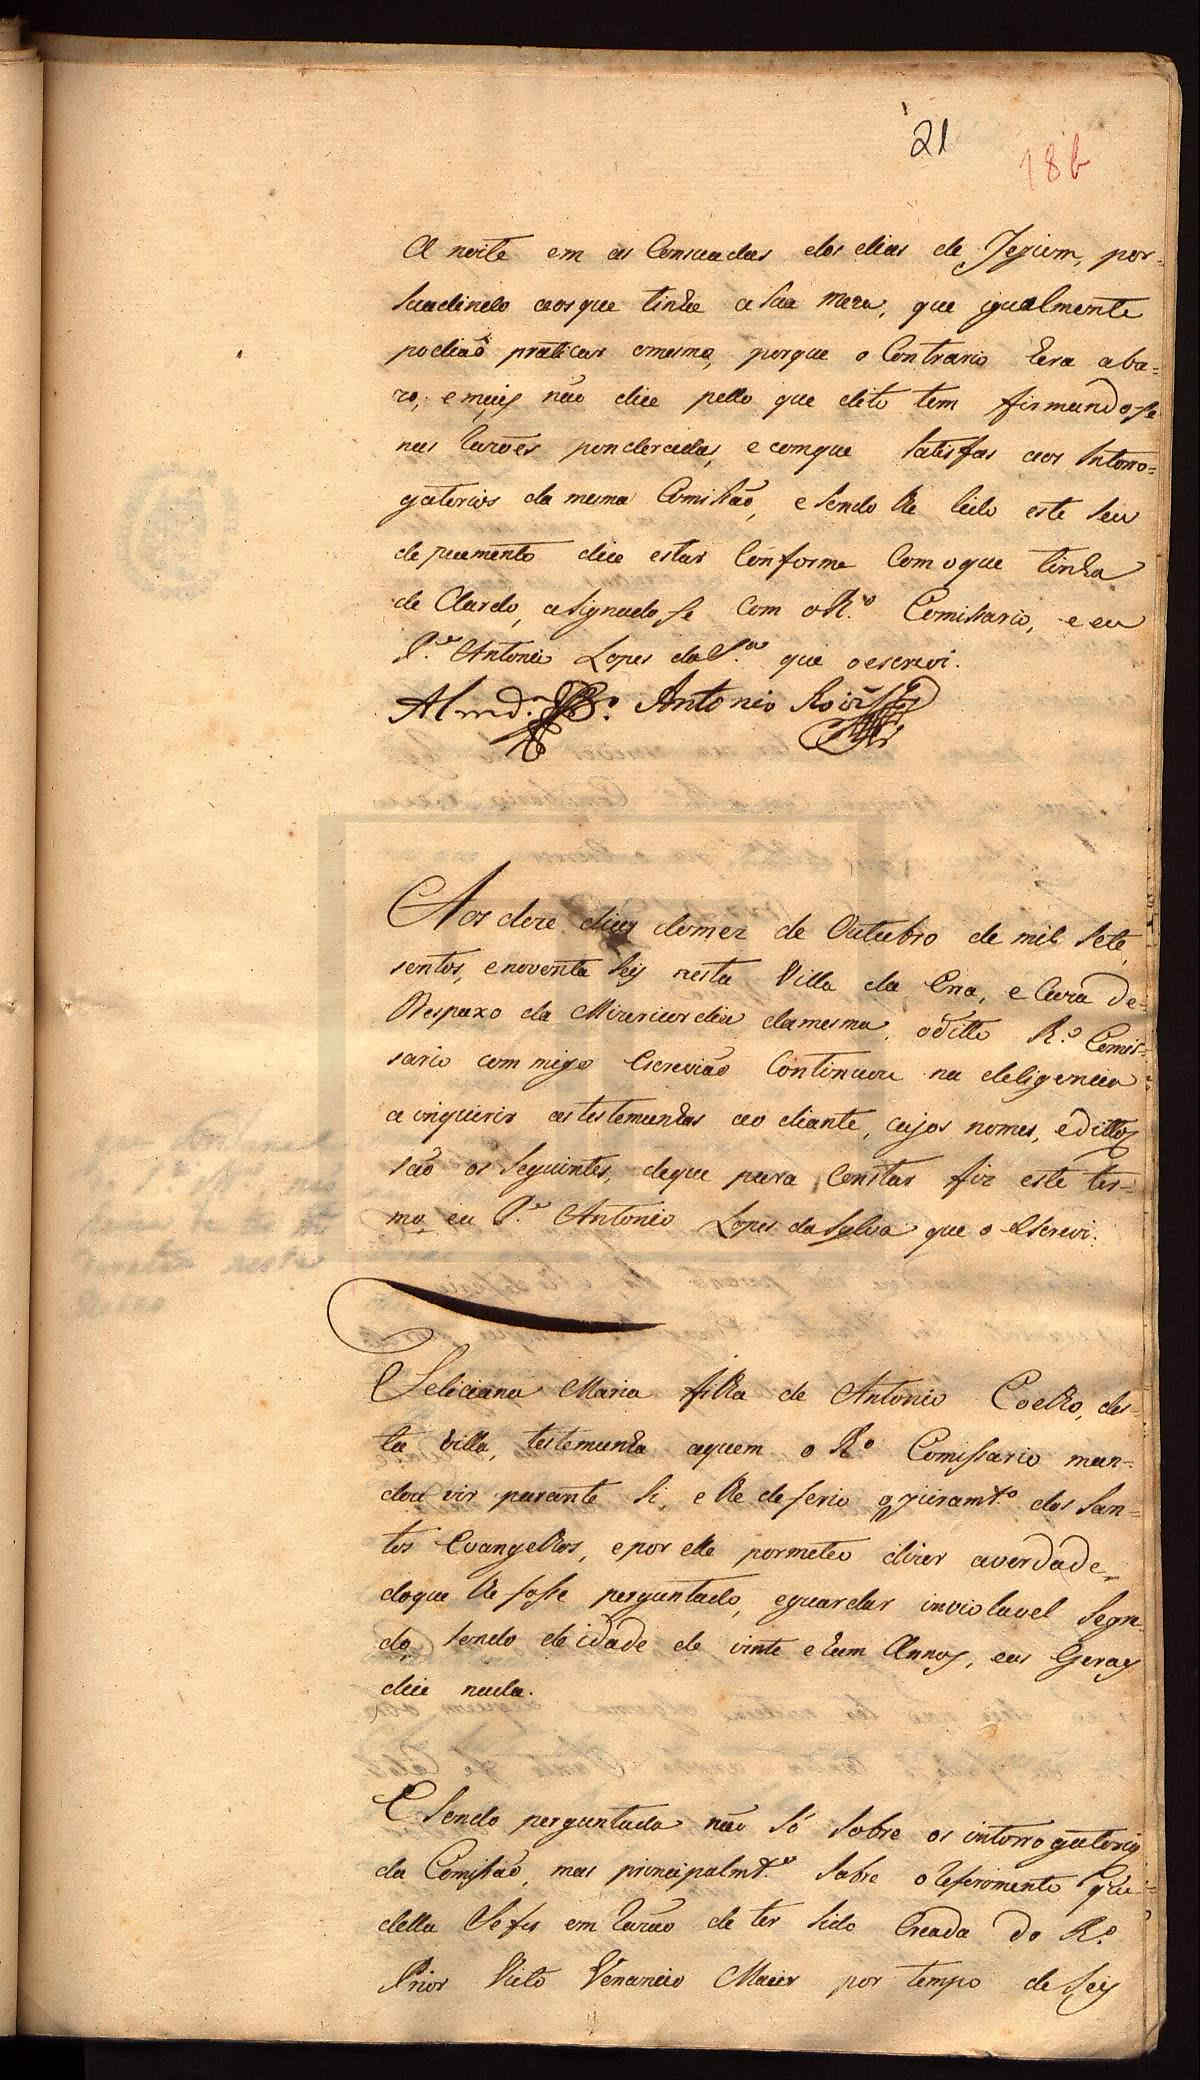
21
18b.
A noite em as Consuadas dos dias de Jejum, per
suadindo aos que tinha a sua meza, que igualmente
podiaõ praticar o mesmo, porque o Contrario hera abu
zo, e mais naõ dice pello que dito tem firmandose
nas Razões ponderadas, e com que satisfas aos Intorro
gatorios da mesma Comissaõ, e sendo lhe lido este seu
depuemento dice estar Conforme Com o que tinha
deClardo, asignado se com o R.o Comissario, e eu
P.e Antonio Lopes da S.a que o escrevi.
Almd.a Antonio Roiz̄
Aos doze dias do mez de Outubro de mil sete
sentos, e noventa seis nesta Villa da Erra, e Caza de
Despaxo da Mizericordia da mesma o ditto R.o Comis
sario commigo Escreviaõ Continuou na deligencia
a inquerir as testemunhas aodiante, cujos nomes, e dittos
saõ os Seguintes, de que para constar fiz este ter
mo eu P.e Antonio Lopes da Sylva que o Escrevi.
Feliciana Maria filha de Antonio Coelho, des
ta villa, testemunha a quem o R.o Comissario man
dou vir parante si e lhe deferio o juramt.o dos San
tos Evangelhos, e por elle pormeteo dizer a verdade
do que lhe fosse perguntado, e guardar inviolavel Segre
do sendo de idade de vinte e hum Annos, e as Geraes
dice nada.
E sendo perguntado naõ só sobre os interrogatorios
da Comissaõ, mas principalmt.e Sobre o Referimento que
della Se fes em Razaõ de ter sido Creada do R.o
Prior Vito Venancio Maier por tempo de Seis
